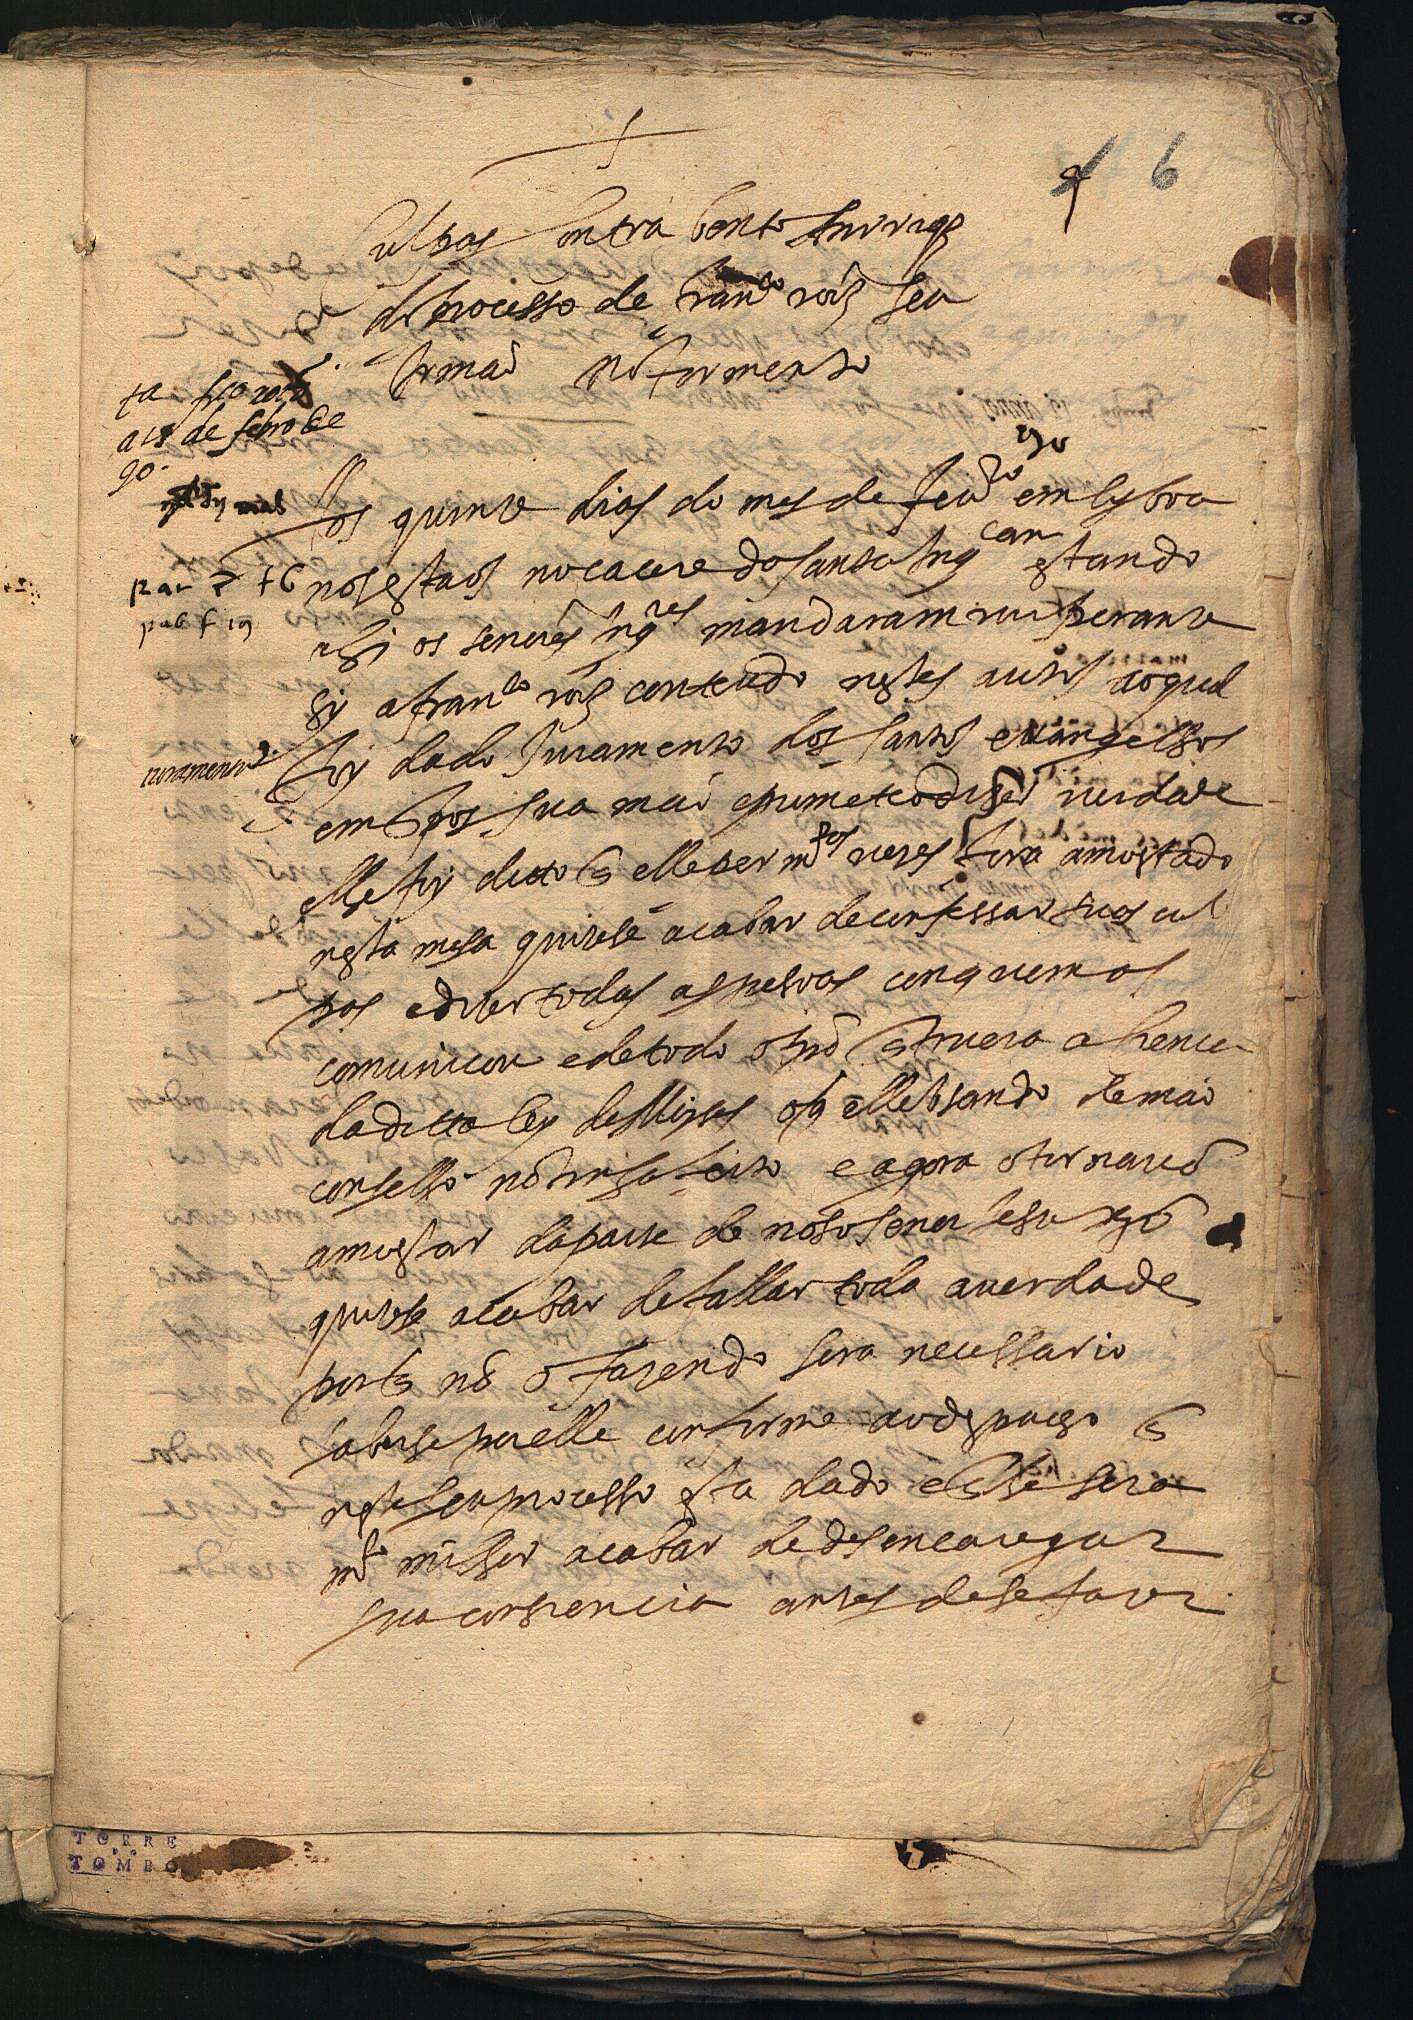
Culpas Contra bento Anrriqz
do processo de franco roiz̄ seu
Irmaõ no tormento
ta frco roiz̄
a 15 de febro de
90.
Aos quinze dias do mes de fevro em lisboa
nos staos no cacere da Santa Inqcam stando
Rat ē f 6
pub f 19
ahi os senorēs Inqres mandaram vir perante
sy a franco roīz conteudo nestes autos ao qual
foy dado Iuramento dos santos euangelhos
iuramento
em pos sua maõ e prometeo dizer uerdade
e lhe foy dicto q̄ elle per mtas uezes fora amoestado
nesta mesa quizese acabar de confessar suas cul
pas e dizer todas as pesoas con quem as
comunicou e de todo o tpō q̄ tiuera a Crença
da ditta ley de Mojses o q̄ elle vsando de mao
conselho nō tinha feito e agora o tornauō
amoestar da parte de noso senhor Iesu xpō
quizese acabar de fallar toda a uerdade
porq̄ naõ o fazendo sera necessario
saberse por elle conforme ao despacho q̄
neste seu processo esta dado e q̄ he sera
mto milhor acabar de desencaregar
sua consiencia antes de se fazer
